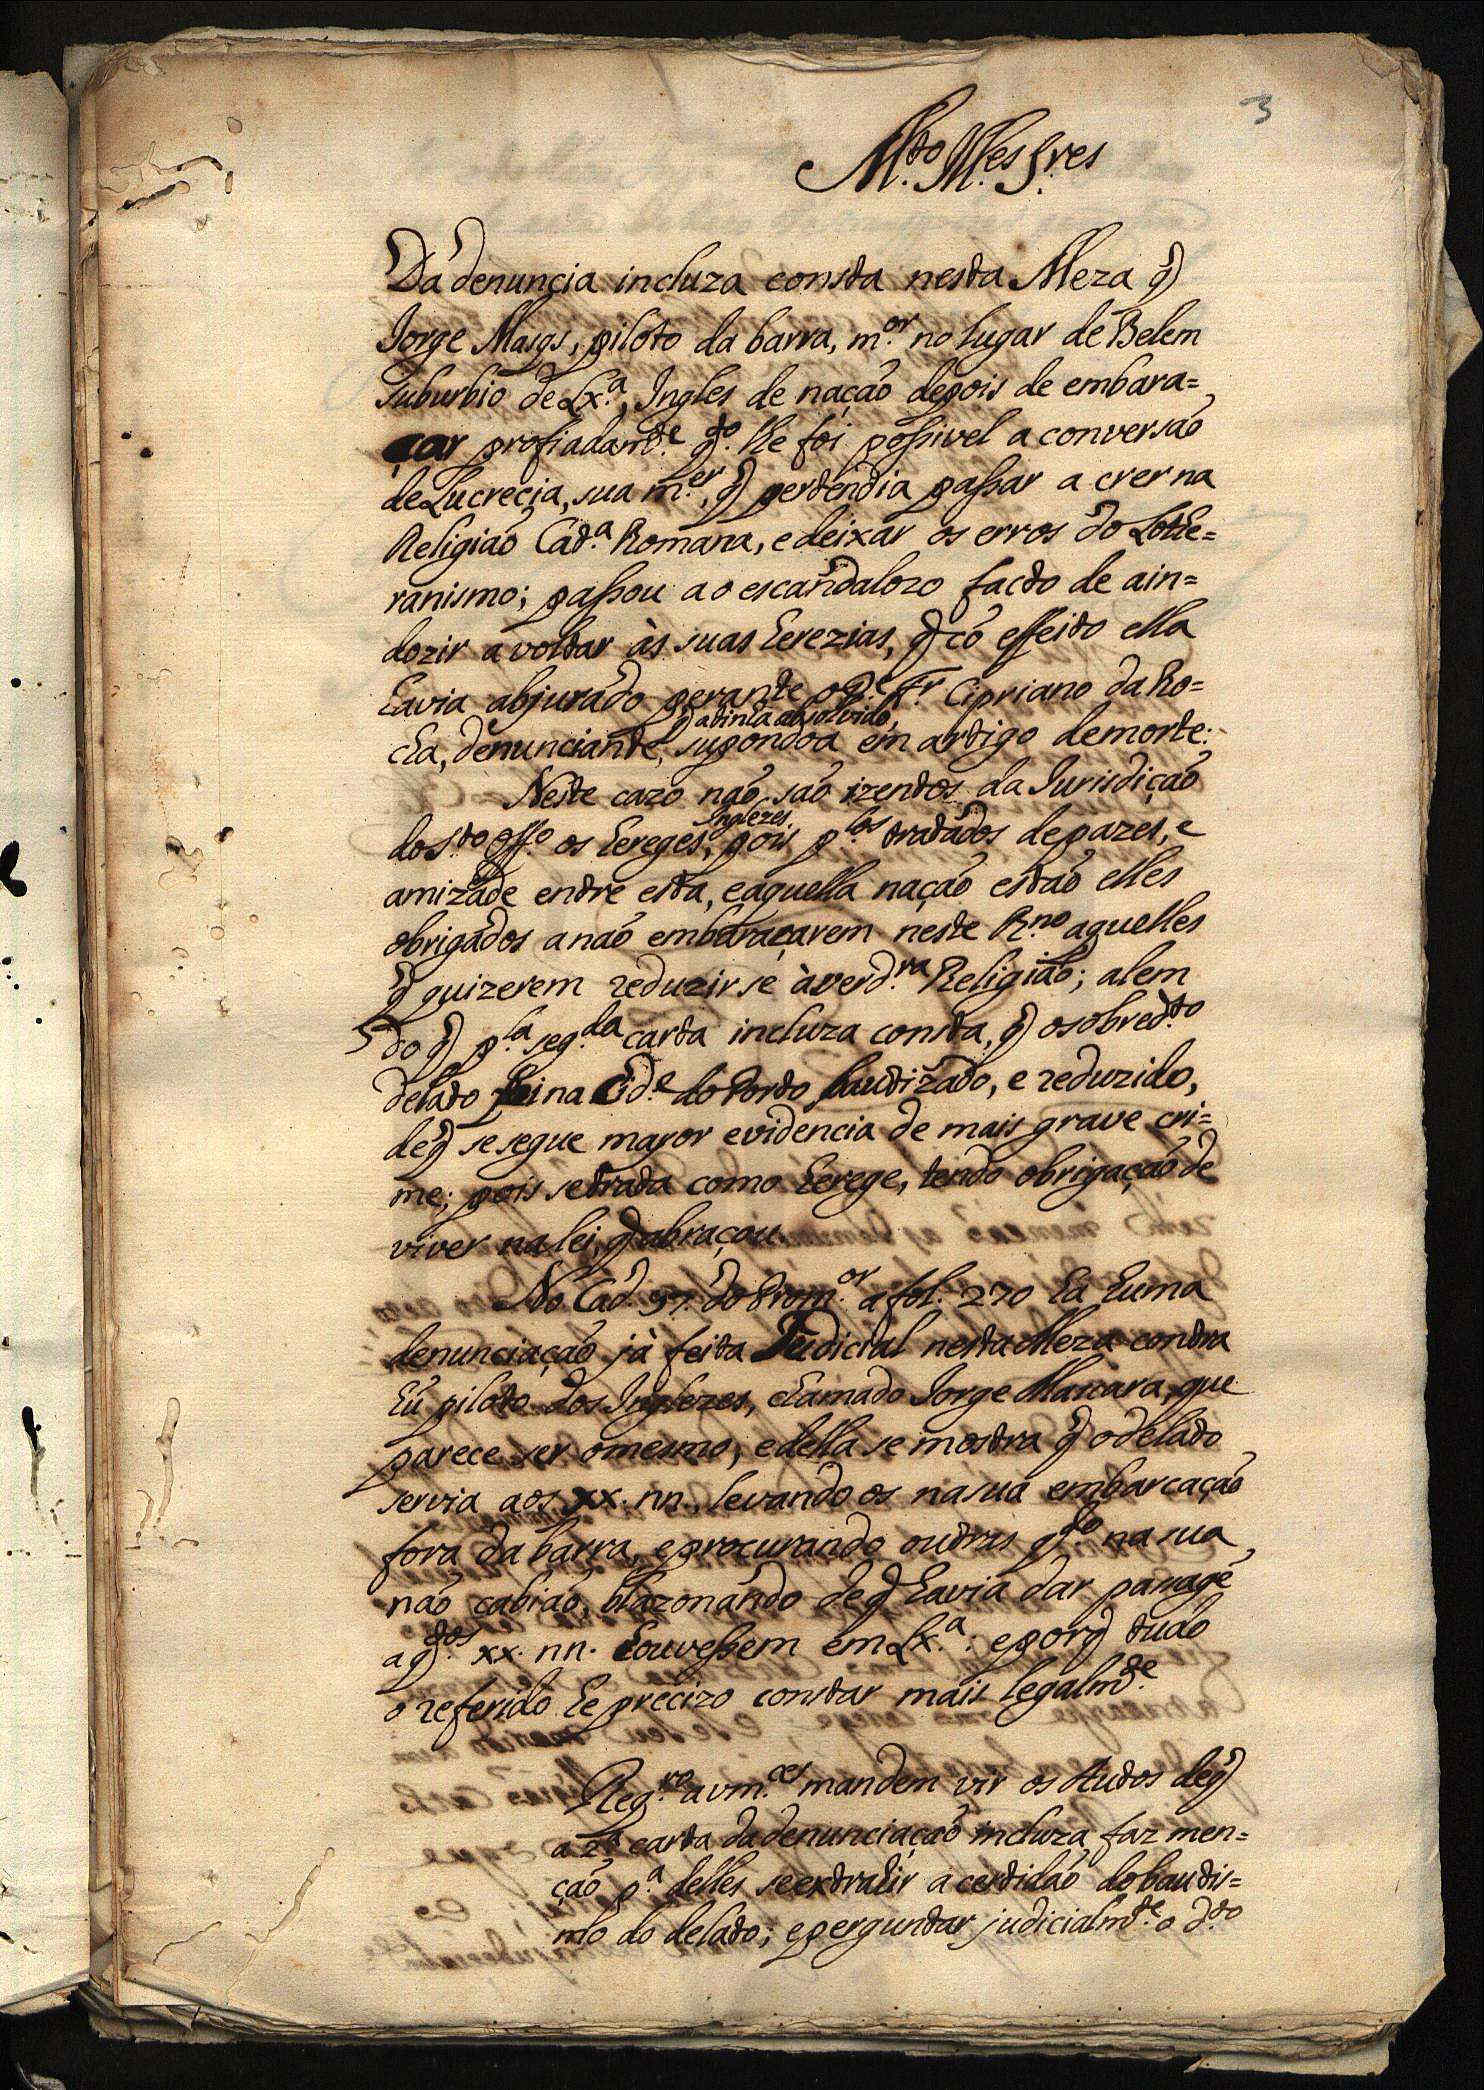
M.to Ill.es S.res
Da denuncia incluza consta nesta Meza q̄
Iorge Masqs, piloto da barra, m.or no Lugar de Belem
suburbio de Lx.a, Ingles de nação depois de embara
çar profiadam.te q.to lhe foi possivel a conversaõ
de Lucrecia, sua m.er, q̄ pertendia passar a crer na
Religião Cat.a Romana, e deixar os erros do Lothe
ranismo; passou ao escandalozo facto de a in
dozir a voltar às suas herezias, q̄ cō effeito ella
havia abjurado perante o P.e F.r Cipriano da Ro
q̄ a tinha absolvido,
cha, denunciante, supondoa em artigo de morte
Neste cazo naõ saõ izentos da Iurisdiçaõ
Inglezes.
do s.to Off.o os hereges, pois p.los tratados de pazes, e
amizade entre esta, e aquella naçaõ estaõ elles
obrigados a naõ embaraçarem neste R.no aquelles
q̄ quizerem reduzirse à verd.ra Religiaõ; alem
do q̄ p.la seg.da carta incluza consta, q̄ o sobred.to
delato foi na Cid.e do Porto bautizado, e reduzido,
de q̄ se segue mayor evidencia de mais grave cri
me; pois se trata como herege, tendo obrigaçaõ de
viver na lei q̄ abraçou.
No Cad. 97 do Prom.or a fol. 270 ha huma
denunciaçaõ já feita Iudicial nesta Meza contra
hū piloto dos Inglezes, chamado Iorge Mascara, que
parece ser o mesmo, e della se mostra q̄ o delato
servia aos xx. nn Levandoos na sua embarcaçaõ
fora da barra, e procurando outras q.do na sua
naõ cabiaõ blazonando de q̄ havia dar passagē
a q.tos xx. nn. houvessem em Lx.a: e porq̄ tudo
o referido he precizo constar mais legalm.te
Req.ro a vm.ces mandem vir os Autos de q̄
a 2a carta da denunciaçaõ incluza faz men
ção p.a delles se extrahir a certidaõ do bautis
mo do delato; e perguntar judicialm.te o d.to
3
